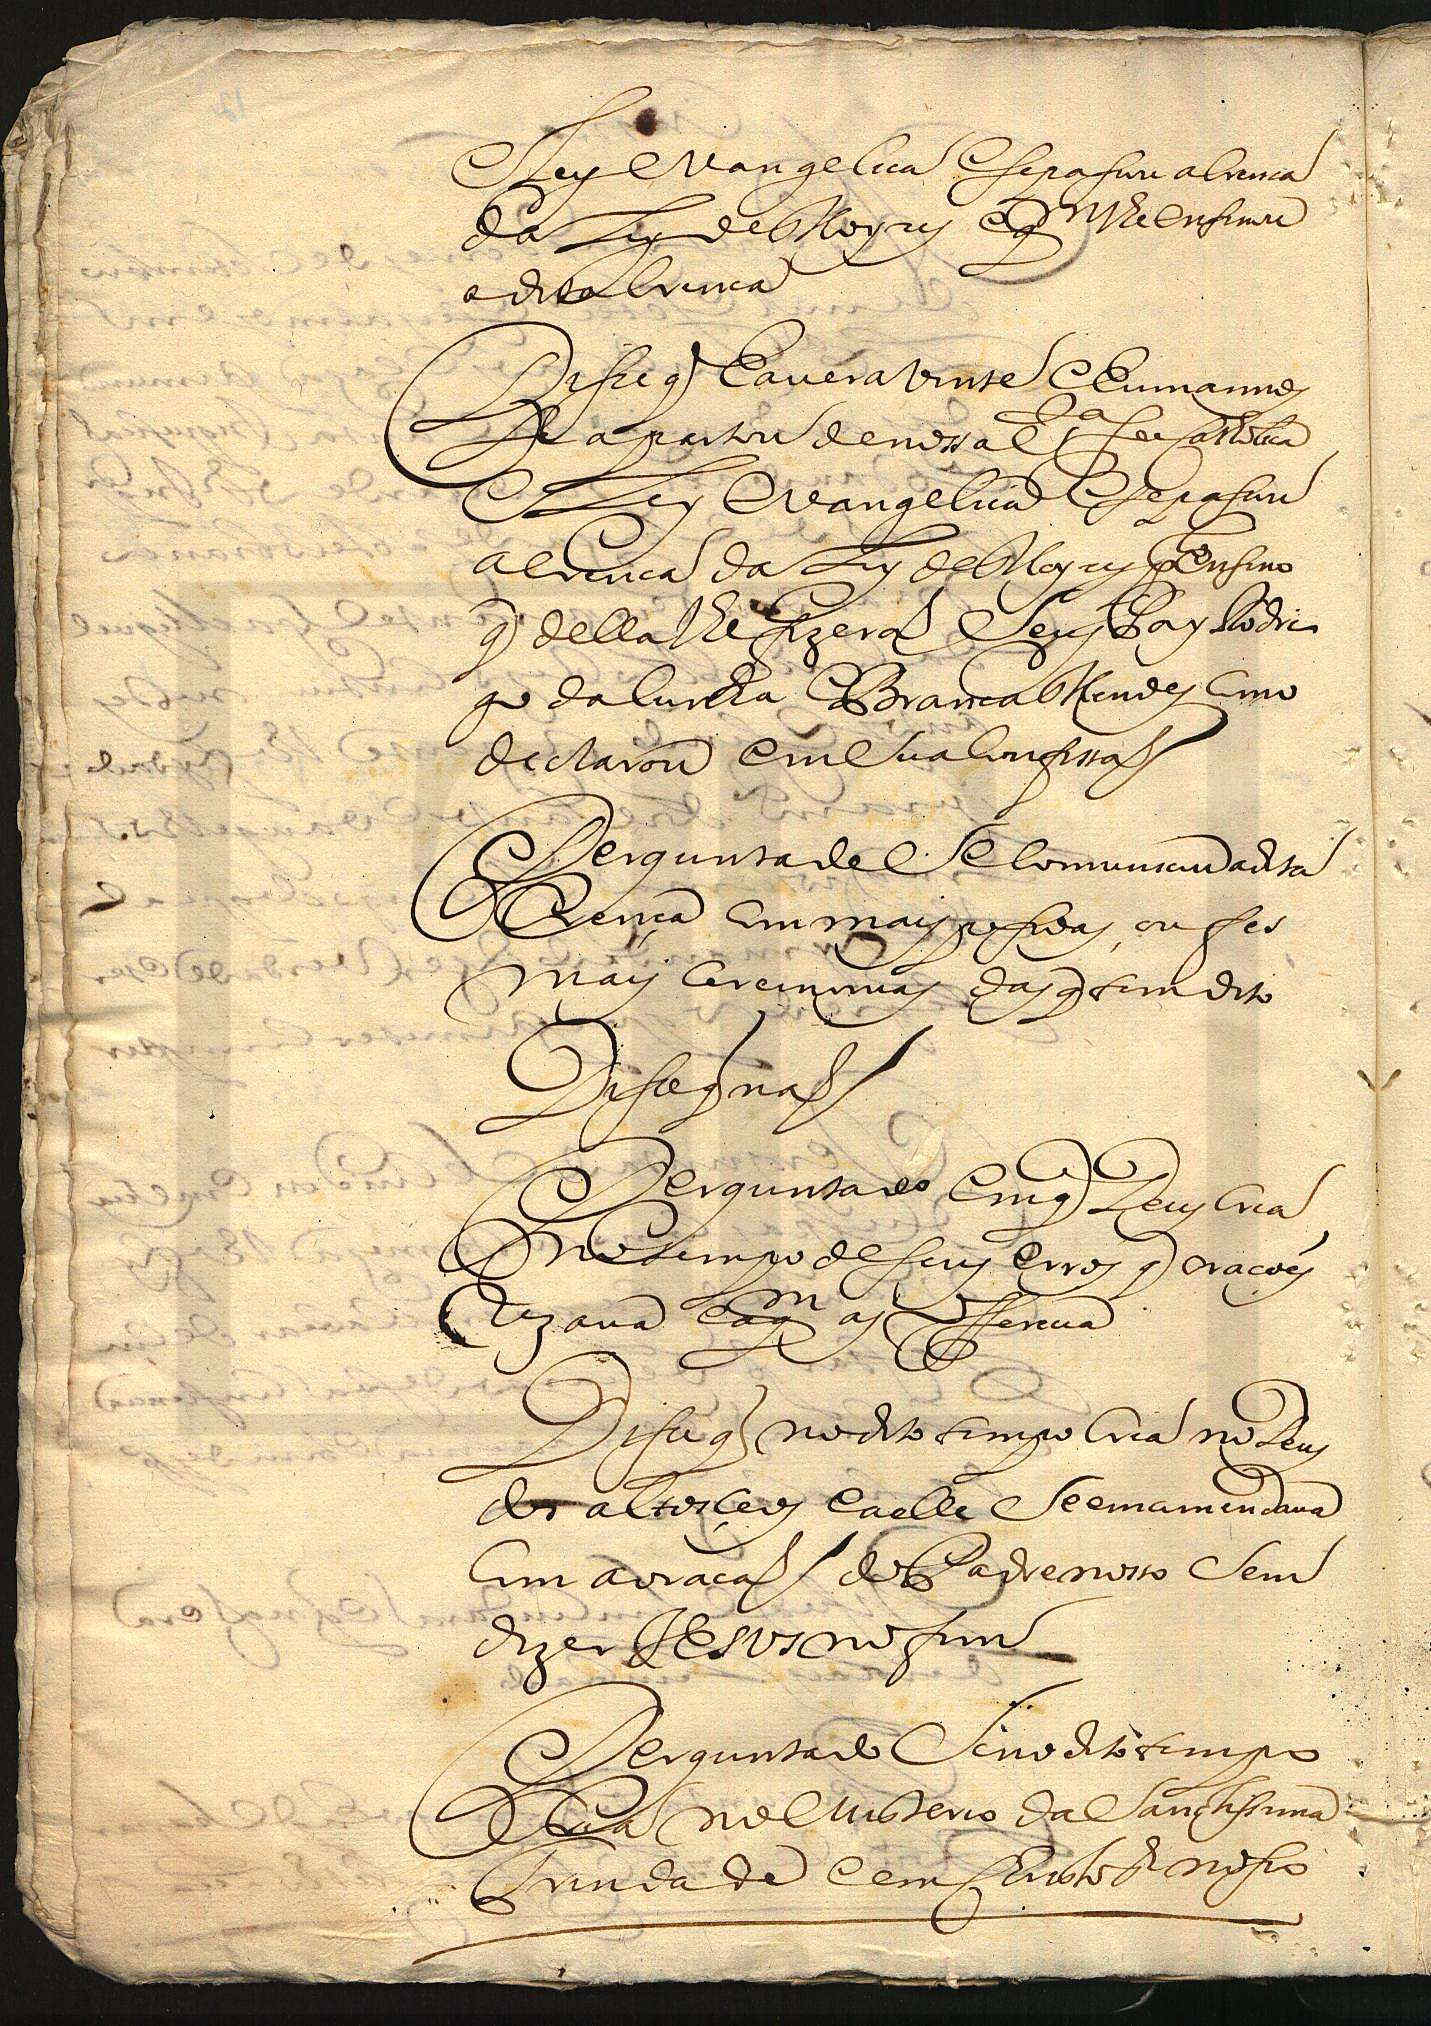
e Ley evangelica e se passou a Crença
da Ley de Moyzés e qm lhe ensinou
a dita Crença
Disse q̄ hauera vinte e hum annos
se apartou de nossa Sta fee Catholica
E Ley evangelica e se passou
a crença da Ley de Moyzes plo ensino
q̄ della lhe fizeraõ Seus Pay Rodri
go da Cunha e Branca Mendes como
declarou em Sua Confissaõ
Perguntado se comunicou a dita
Crença com mais pessoas, ou fes
mais ceremonias das q̄ tem dito
Disse q̄ naõ
Perguntado em q̄ Deus cria
no tempo de seus erros q̄ oraçoẽs
Vzava e a qm as Offerecia
Disse q̄ no dito tempo Cria no Deus
dos altos ceos e a elle Se encomendaua
Com a oraçaõ do Padre nosso Sem
dizer IEsvs no fim
Perguntado Se no dito tempo
Cria no Misterio da Sanctissima
Trindade e em Christo sor nosso
